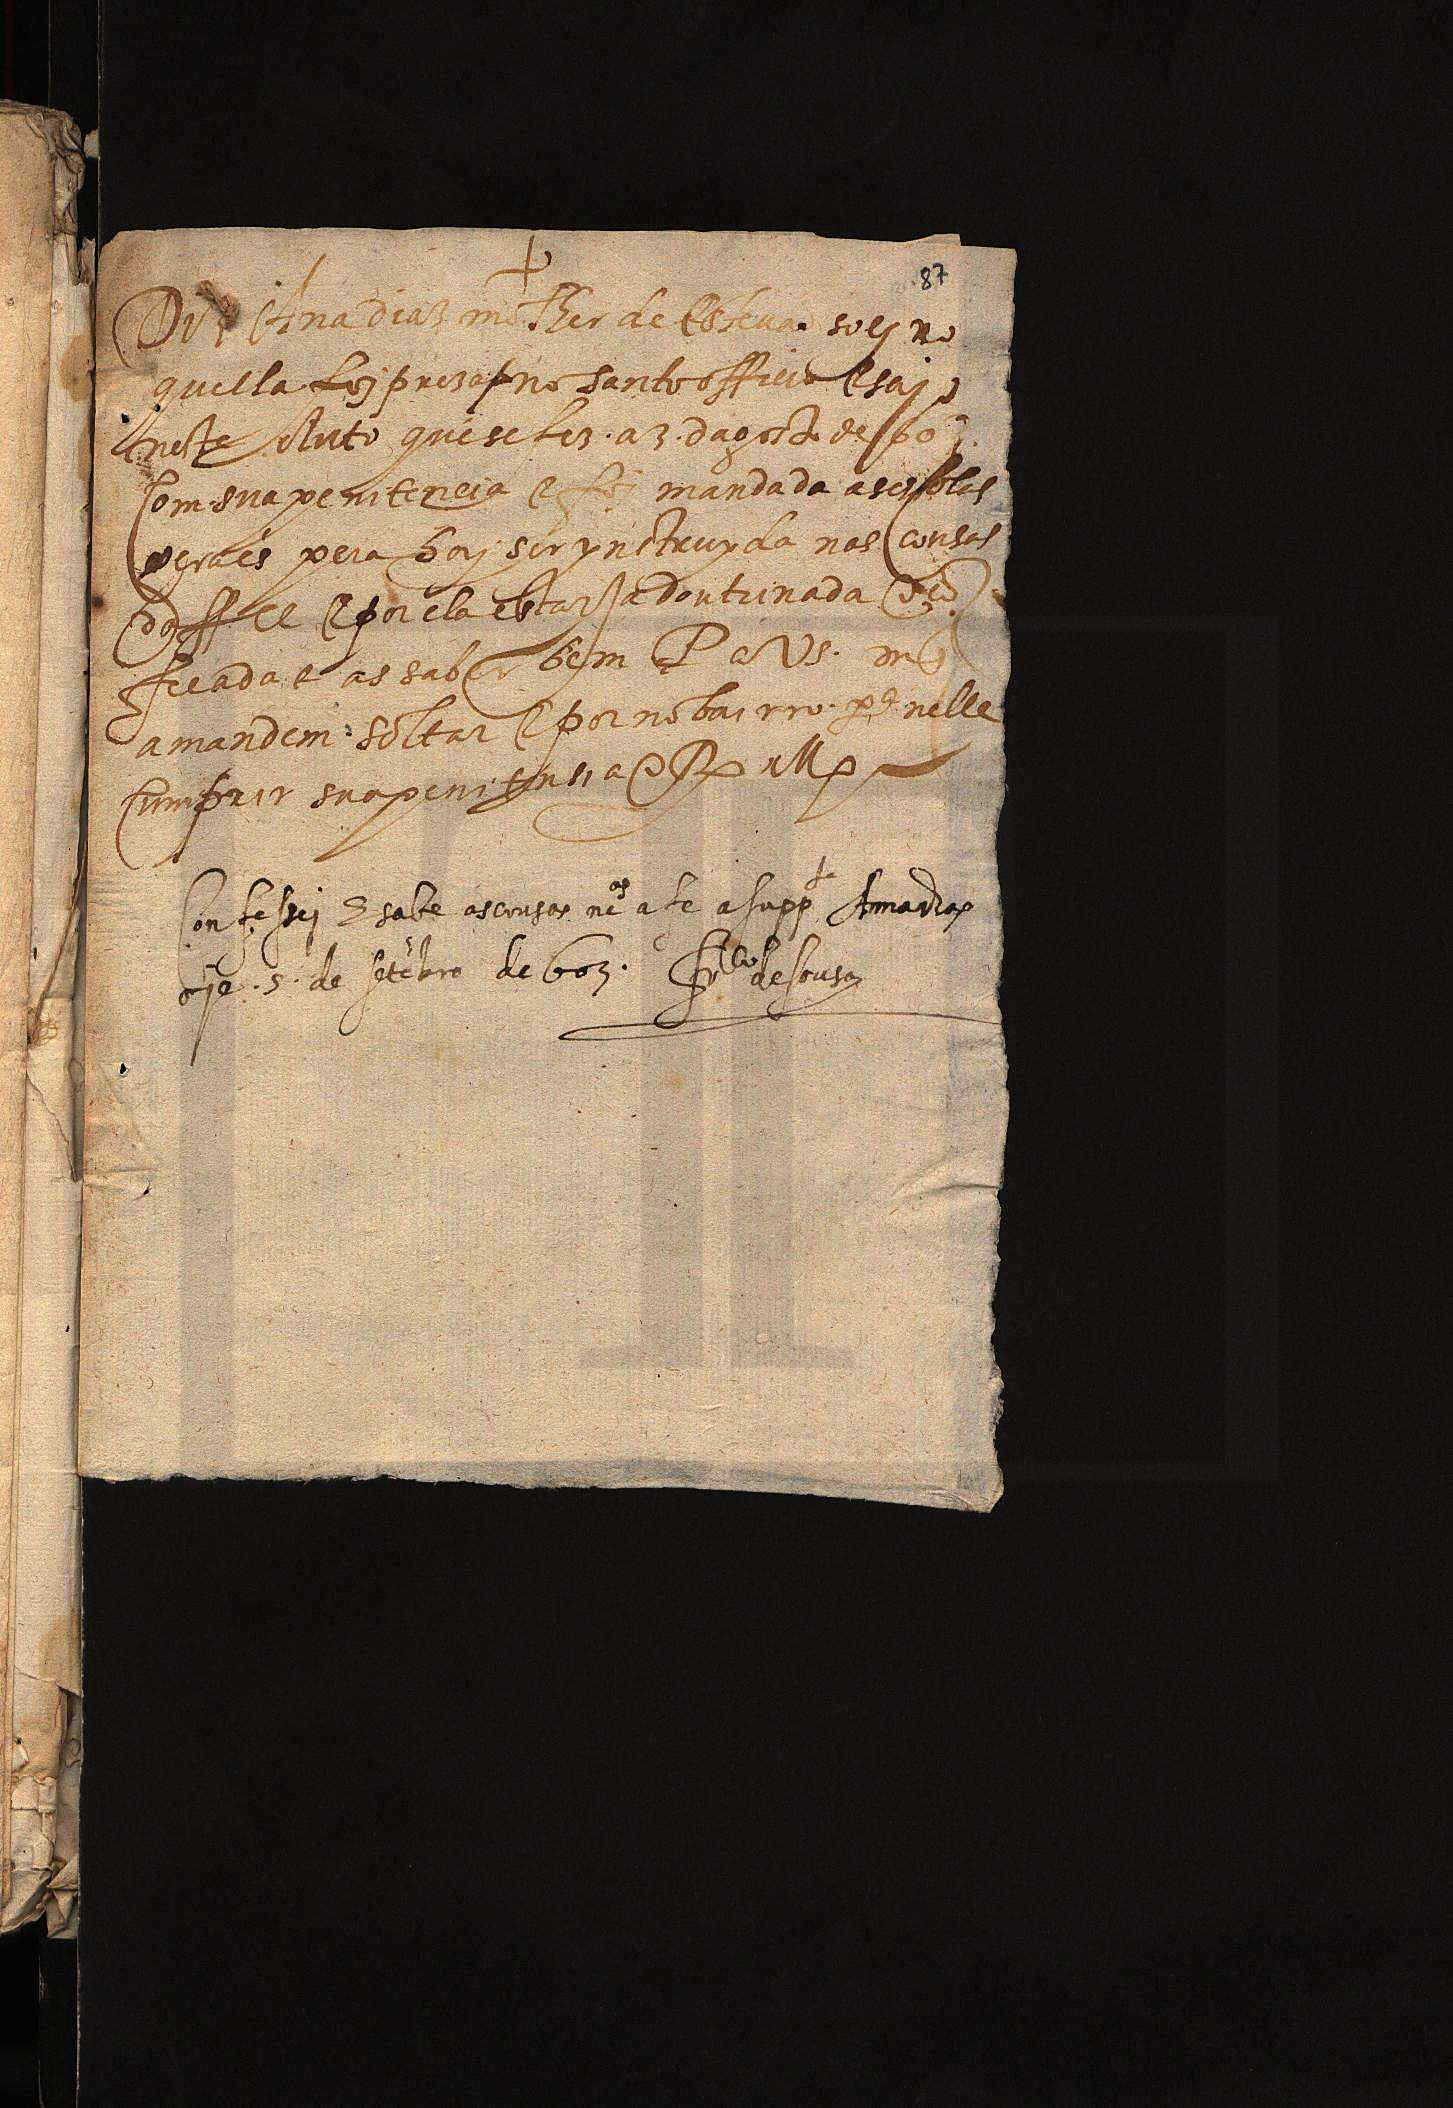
Diz Ana diaz molher de Esteuao soejro
que ela foj presa/ no santo officio E sajo
neste Auto que se fez. a 3. dagosto de 60
Com sua penitencia E foi mandada as esColas
geraes pera haj ser ynstruyda nas cousas
da ffee E por ela estar Ja doutrinada e cō
feçada e as saber bem P a V s. me
a mandem soltar E por no bairro. ꝑa nelle
Cumprir sua penitensia e Rꝭ Mꝭ
Confessej E sabe as cousas neas a fe a suppte Anna dias
oje .5. de setēbro de 603. frco de sousa
